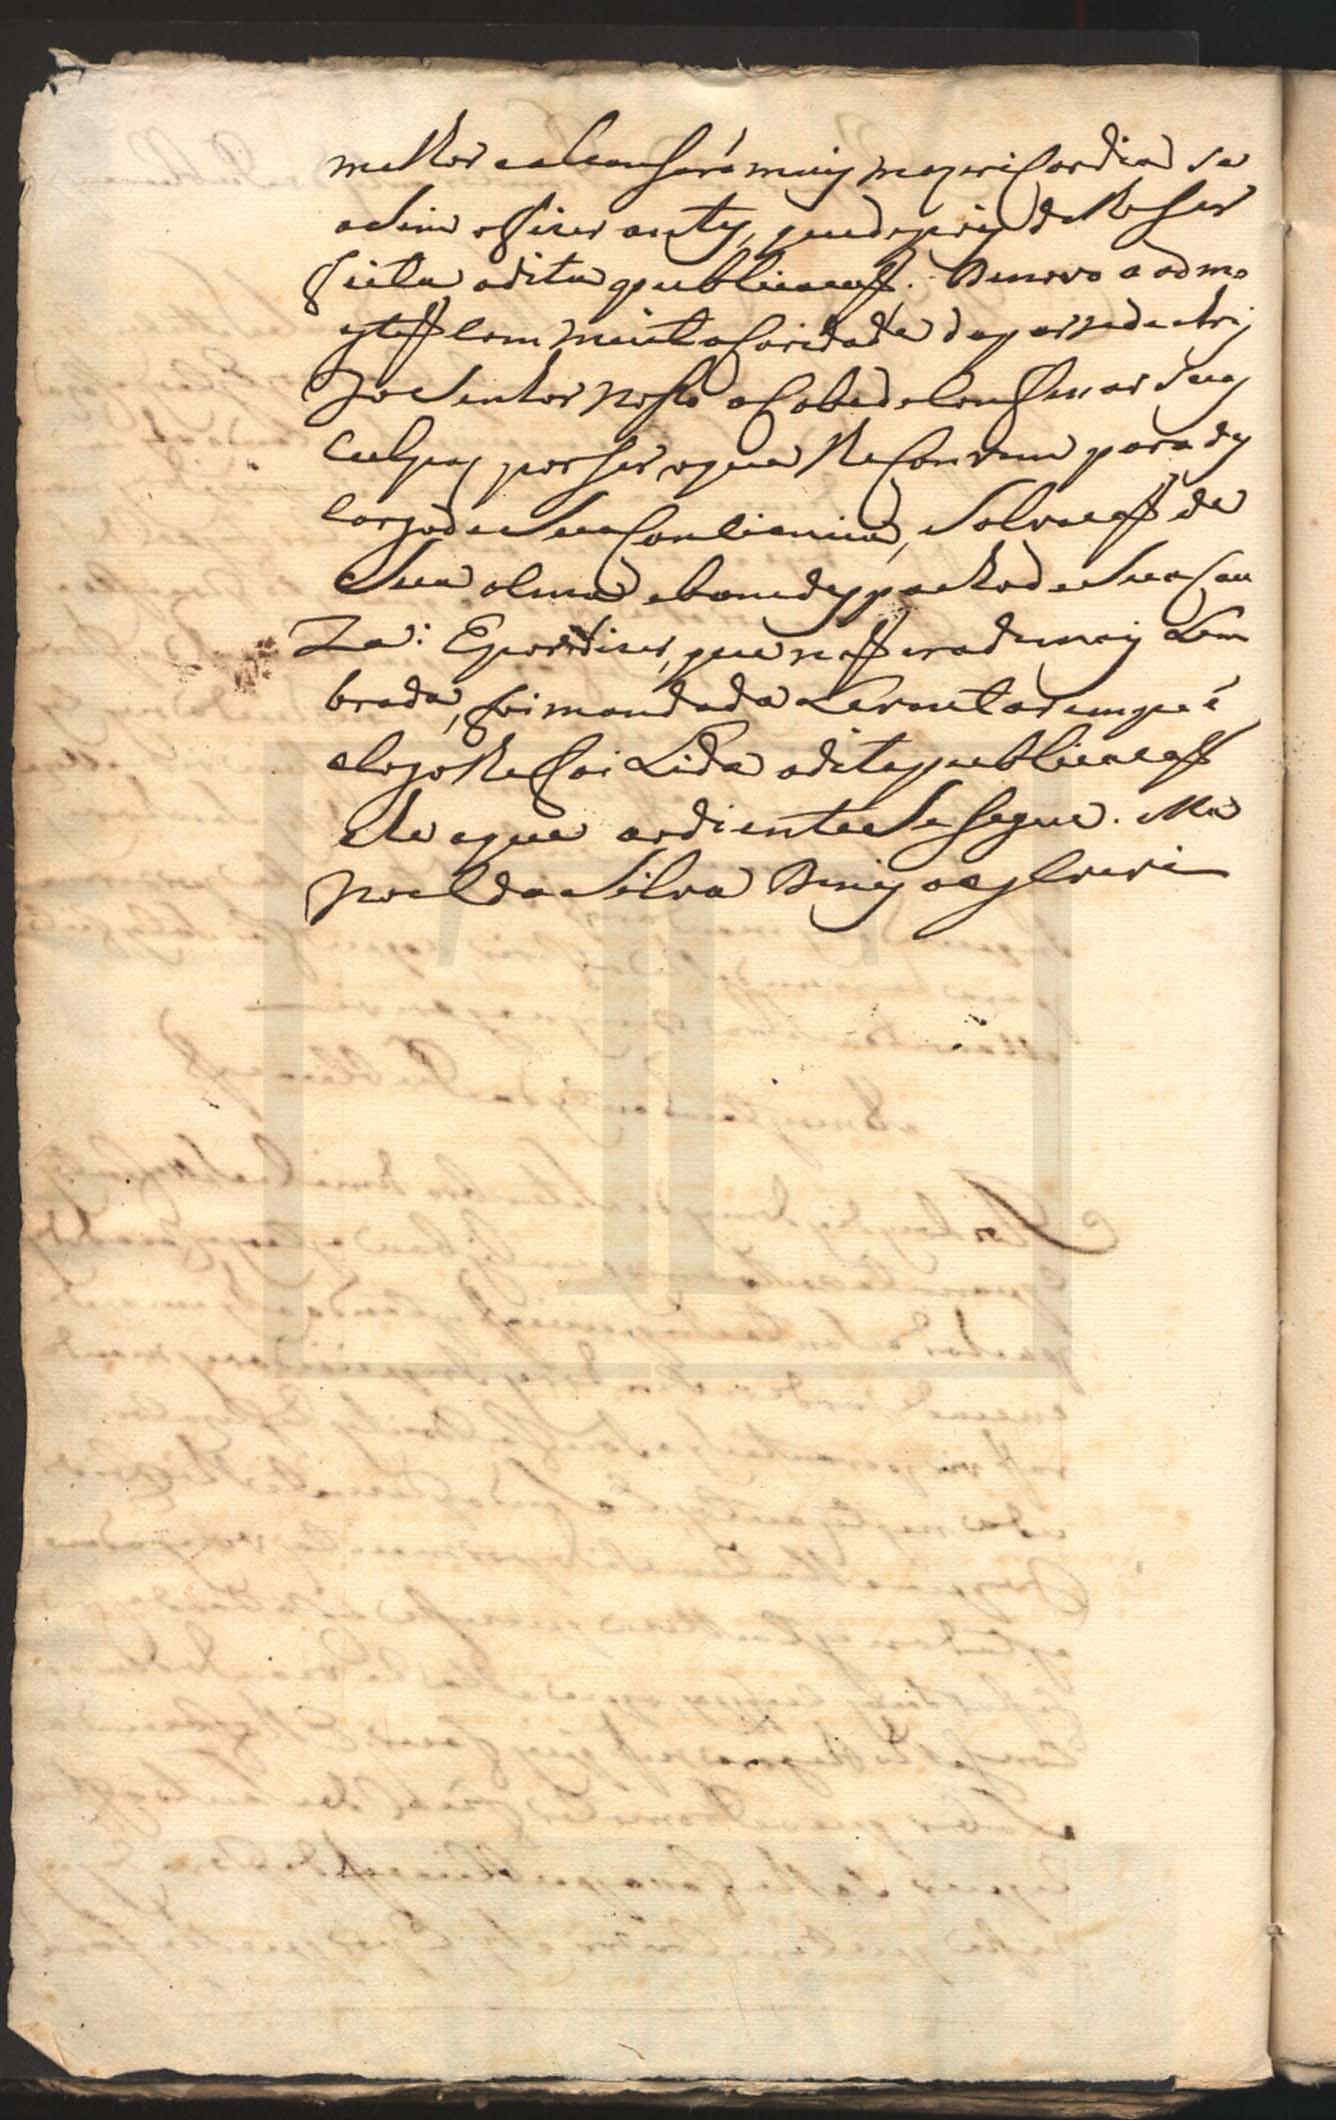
melhor, e alcansará mais meseriCordia se
asim o fizer antes, que depois de lhe ser
feita a dita publicaçaõ. De novo a admo
estaõ com muita Caridade da parte de chris
to Senhor nosso aCabe de Confessar suas
Culpas por ser o que lhe Convem para des
cargo de Sua Conciencia, Salvaçaõ de
Sua alma, e bom despacho de Sua Cau
Za: E por dizer, que naõ era de mais Lem
brada, foi mandada Levantar em peé
e logo lhe foi Lida a dita publicaçaõ
e he o que ao diante Se segue. Ma
noel da Silva Dinis o esCrevi
